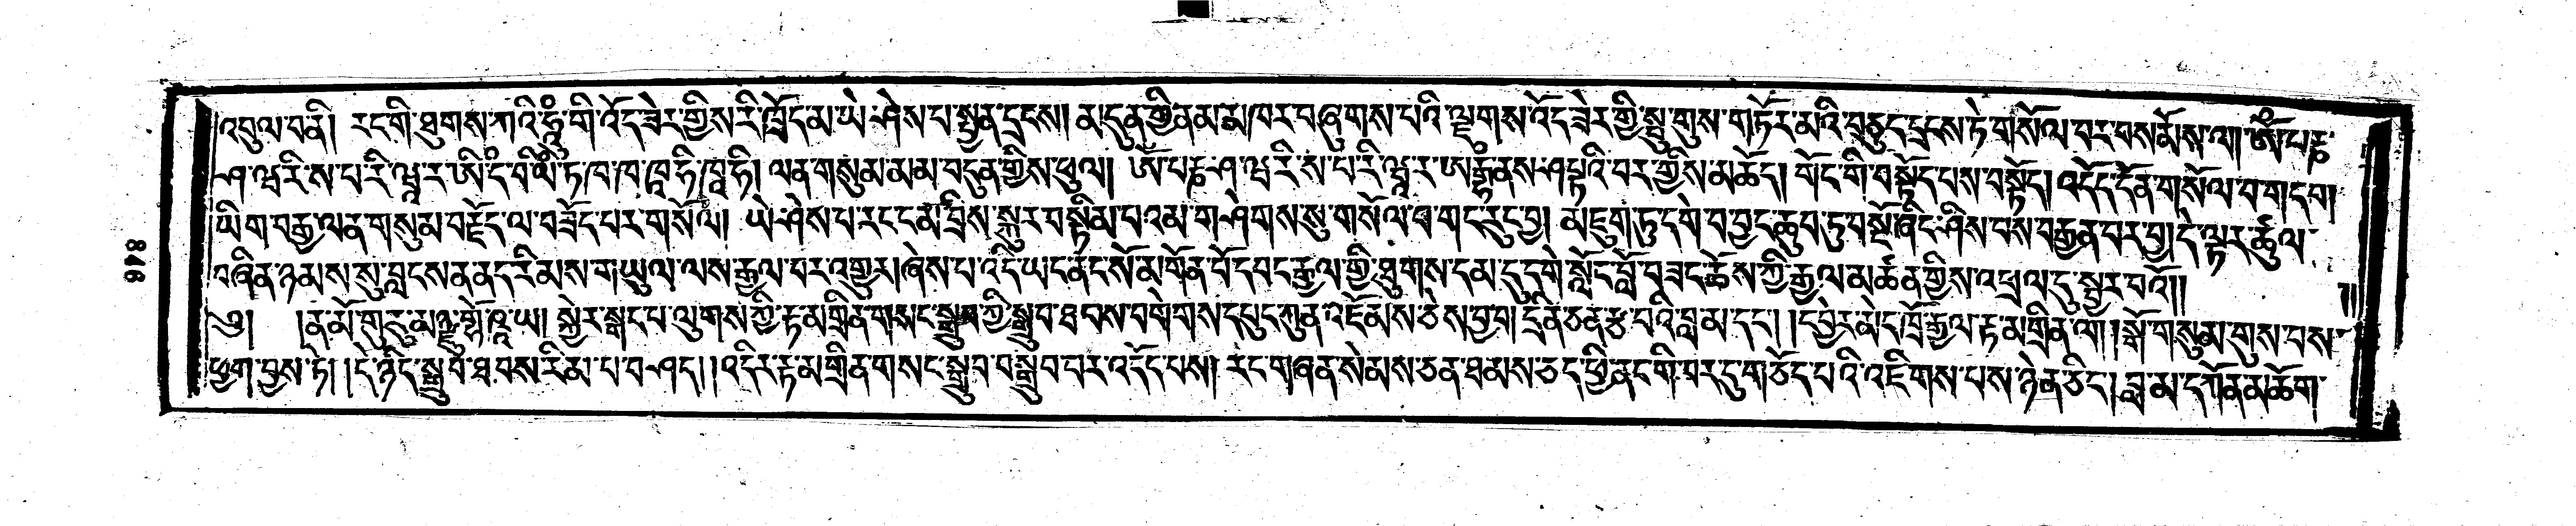འབུལ་བ་ནི། རང་གི་ཐུགས་ཀའི་ཧཱུཾ་གི་འོད་ཟེར་གྱིས་རི་ཁྲོད་མ་ཡེ་ཤེས་པ་སྤྱན་དྲངས། མདུན་གྱི་ནམ་མཁར་བཞུགས་པའི་ལྗགས་འོད་ཟེར་གྱི་སྦུ་གུས་གཏོར་མའི་བཅུད་དྲངས་ཏེ་གསོལ་བར་བསམས་ལ། ཨོཾ་པརྞ་
ཤ་ཝ་རི་ས་པ་རི་ཝཱ་ར་ཨི་དཾ་བ་ལིཾ་ཏ་ཁ་ཁ་ཁཱ་ཧི་ཁཱ་ཧི། ལན་གསུམ་མམ་བདུན་གྱིས་ཕུལ། ཨོཾ་པརྞ་ཤ་ཝ་རི་ས་པ་རི་ཝཱ་ར་ཨརྒྷཾ་ནས་ཤཔྟའི་བར་གྱིས་མཆོད། གོང་གི་བསྟོད་པས་བསྟོད། འདོད་དོན་གསོལ་བ་གདབ།
ཡིག་བརྒྱ་ལན་གསུམ་བརྗོད་ལ་བཟོད་པར་གསོལ། ཡེ་ཤེས་པ་རང་ངམ་བྲིས་སྐུར་བསྟིམ་པའམ་གཤེགས་སུ་གསོལ་བ་གང་རུང་བྱ། མཇུག་ཏུ་དགེ་བ་བྱང་ཆུབ་ཏུ་བསྔོ་ཞིང་ཤིས་པས་བརྒྱན་པར་བྱ། དེ་ལྟར་ཚུལ་
བཞིན་ཉམས་སུ་བླངས་ན་ནད་རིམས་གཡུལ་ལས་རྒྱལ་བར་འགྱུར། ཞེས་པ་འདི་ཡང་ནང་སོ་མགོན་པོ་དབང་རྒྱལ་གྱི་ཐུགས་དམ་དུ་དགེ་སློང་བློ་བཟང་ཆོས་ཀྱི་རྒྱལ་མཚན་གྱིས་འཕྲལ་དུ་སྦྱར་བའོ།། །།
༄༅། །ན་མོ་གུ་རུ་མཉྫུ་གྷོ་ཥཱ་ཡ། སྐྱེར་སྒང་པ་ལུགས་ཀྱི་རྟ་མགྲིན་གསང་སྒྲུབ་ཀྱི་སྒྲུབ་ཐབས་བགེགས་དཔུང་ཀུན་འཇོམས་ཅེས་བྱ་བ། དྲིན་ཅན་རྩ་བའི་བླ་མ་དང་། །དབྱེར་མེད་ཁྲོ་རྒྱལ་རྟ་མགྲིན་ལ། །སྒོ་གསུམ་གུས་པས་
ཕྱག་བྱས་ཏེ། །དེ་ཉིད་སྒྲུབ་ཐབས་རིམ་པ་བཤད། །འདིར་རྟ་མགྲིན་གསང་སྒྲུབ་བསྒྲུབ་པར་འདོད་པས། རང་གཞན་སེམས་ཅན་ཐམས་ཅད་ཕྱི་ནང་གི་བར་དུ་གཅོད་པའི་འཇིགས་པས་ཉེན་ཅིང་། བླ་མ་གདྐོན་མཆོག་